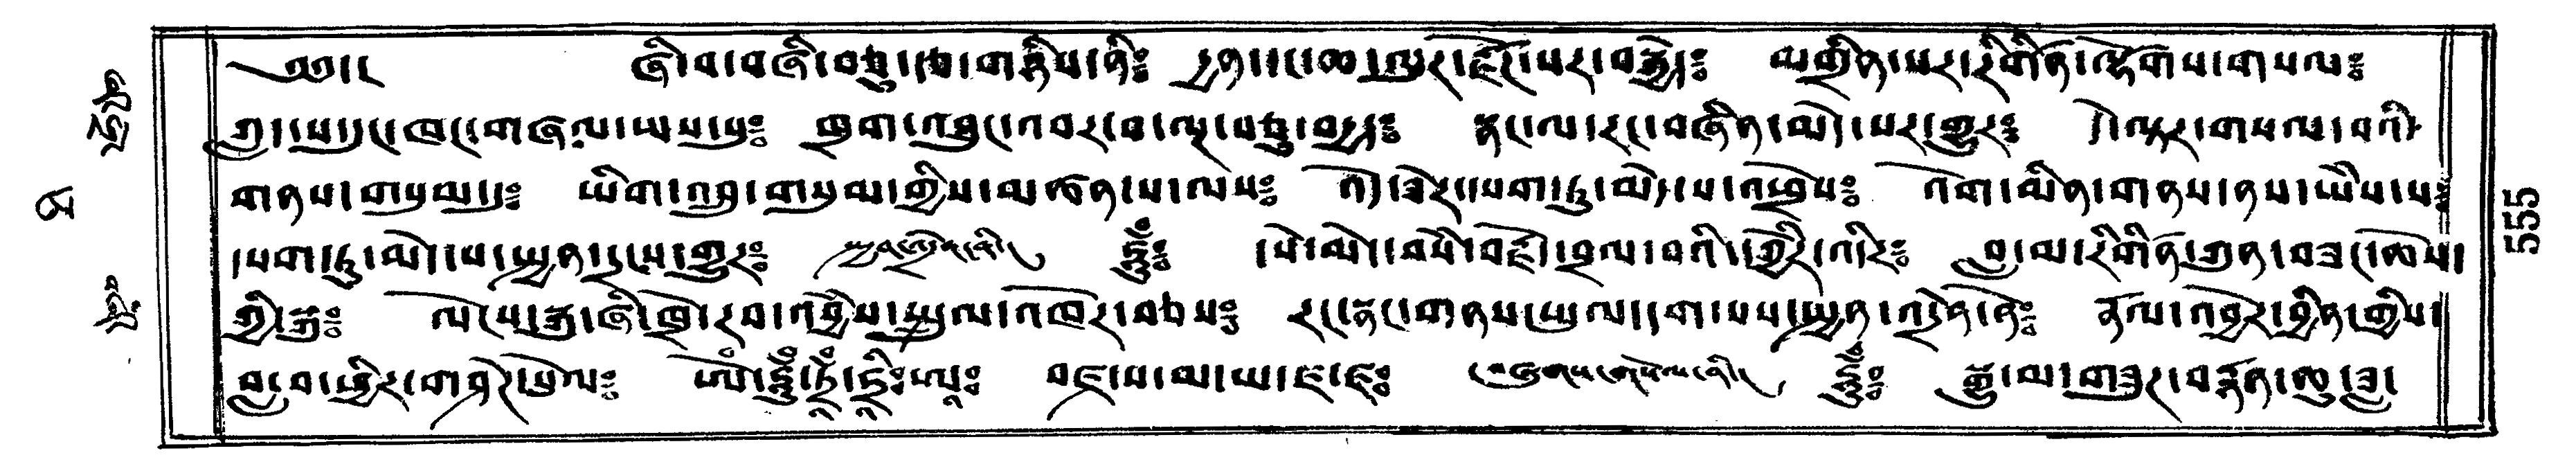ཞི་བ་བཞི་བཅུ་རྩ་གཉིས་ནི༔ རྒྱན་དང་ཆ་ལུགས་རྫོགས་པར་བསྐྱེད༔ མགྲིན་པར་རིག་འཛིན་ལྷ་ཚོགས་གསལ༔ 
ཀླད་པ་དུང་ཁང་གཞལ་ཡས་སུ༔ ཁྲག་འཐུང་འབར་བ་ལྔ་བཅུ་བརྒྱད༔ སྣང་ལ་རང་བཞིན་མེད་པར་གྱུར༔ དེ་ལྟར་གསལ་བའི་
གནས་གསུམ་དུ༔ ཡིག་འབྲུ་གསུམ་གྱིས་མཚན་པ་ལས༔ འོད་ཟེར་དཔག་ཏུ་མེད་པ་འཕྲོས༔ འོག་མིན་གནས་ནས་ཡེ་ཤེས་པ༔ 
དཔག་ཏུ་མེད་པ་སྤྱན་དྲངས་གྱུར༔སྤྱན་འདྲེན་ནི། ཧཱུྃ༔ དཔེ་མེད་བསམ་བརྗོད་བྲལ་བའི་དཀྱིལ་འཁོར་འདིར༔ བླ་མ་རིག་འཛིན་ཀུན་བཟང་ཆོས་
ཀྱི་སྐུ༔ ལོངས་སྐུ་ཞི་ཁྲོ་རབ་འབྱམས་སྤྲུལ་འཁོར་བཅས༔ རང་སྣང་གནས་ཡུལ་དག་པས་སྤྱན་འདྲེན་ནོ༔ རྣལ་འབྱོར་བྱིན་གྱིས་
རློབ་ཕྱིར་གཤེགས་སུ་གསོལ༔ ཨོཾ་ཧཱུྃ་ཏྲཱྃ་ཧྲཱིཿཨཱཿ བཛྲ་ས་མ་ཡ་ཛ་ཛ༔ བཞུགས་གསོལ་ནི། ཧཱུྃ༔ སྒྱུ་མ་གཟུགས་བརྙན་ཆུ་ཟླ་